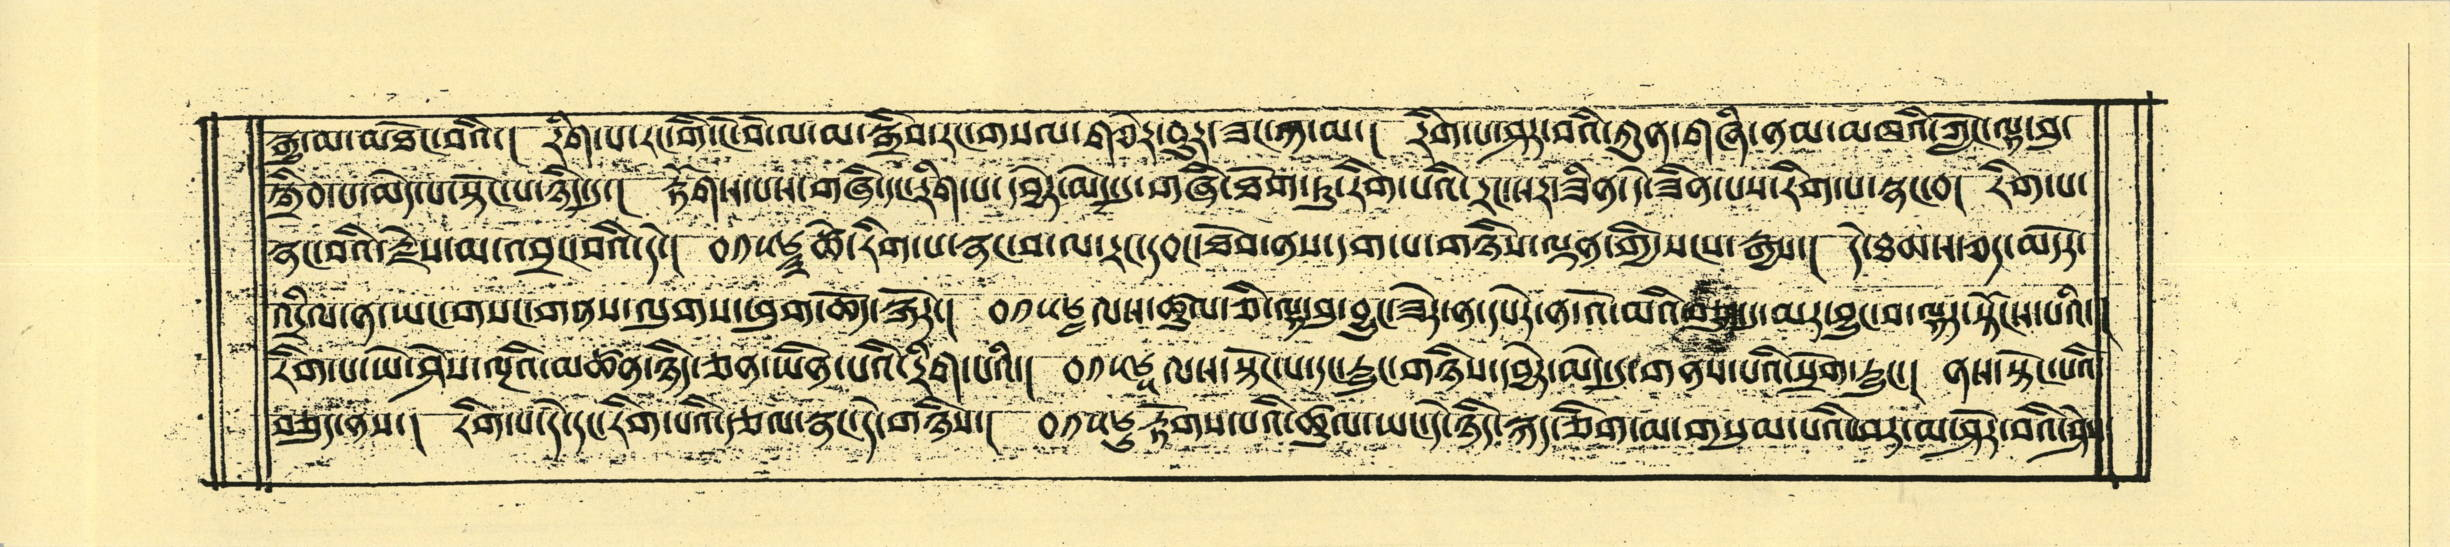སྒྱུ་མ་མཐོང་བའི། ༼རིག་པ་༽རང་གི་ངོ་ལ་མ་སྒྲིབ་རང་གསལ་ ༼གཅེར་བུར་༽ཟང་ཀ་མ། རིག་པ་ཤར་བའི་ ༼ཀུན་གཞི་༽ནམ་མཁའི་ཀློང་ལྟ་བུ་ 
སྒྲིབ་པ་མེད་པ་སྟོང་པ་ཉིད་དུ། རྟོགས་པས་གཞི་དང་རིག་པ་དབྱེད་མེད་དུ་གཞི་ཐོག་ཏུ་རིག་པའི་རང་སར་ཟིན་དེ་ཟིན་པས་རིག་པ་སྣང་བ། རིག་པ་
སྣང་བའི་རྗེས་མ་འབྲང་བའི་ ༼དེ།༽བ༡༥༦།༣ ཚེ་རིག་པ་སྣང་བ་ལ་ ༼རང་དབང་༽ཐོབ་ནས་དག་པ་གཉིས་ལྡན་གྱི་སངས་རྒྱས། ༼དེ་ཐམས་ཅད་༽མདོར་ 
༼འདྲིལ་༽ན་ཡང་གསང་གནས་ལུགས་ཕུག་ཆོད་སྐོར། བ༡༥༦།༤ ༼ལས་༽ཚུལ་ཅི་ལྟ་བུ་ ༼བྱུང་༽ཟེར་ན་དཔེར་ན་འོ་མའི་བཅུད་དུ་མར་བྱུང་བ་ལྟར་ ༼སྟོངས་པའི།༽
རིག་པ་ཡེ་ཤེས་ལྔའི་མཚན་ཉིད་ཅན་ཡིན་པའི་ ༼རིག་པའི།༽བ༡༥༦།༥ ༼ལས་༽སྟོང་པ་དང་རླུང་གཉིས་དབྱེར་མེད་དུ་གནས་པའི་སྲོག་རླུང། ༼ནས་༽སྟོང་པའི་
བཅུད་ནས། རིག་པ་ ༼དེ་དང་༽རིག་པའི་རྩལ་སྣང་དེ་གཉིས། བ༡༥༦།༦ རྟོགས་པའི་ཚུལ་ཡང་དེ་ཉིད་སྐད་ཅིག་མ་གསུམ་པའི་བར་མ་ཤོར་བའི་ཤེས་